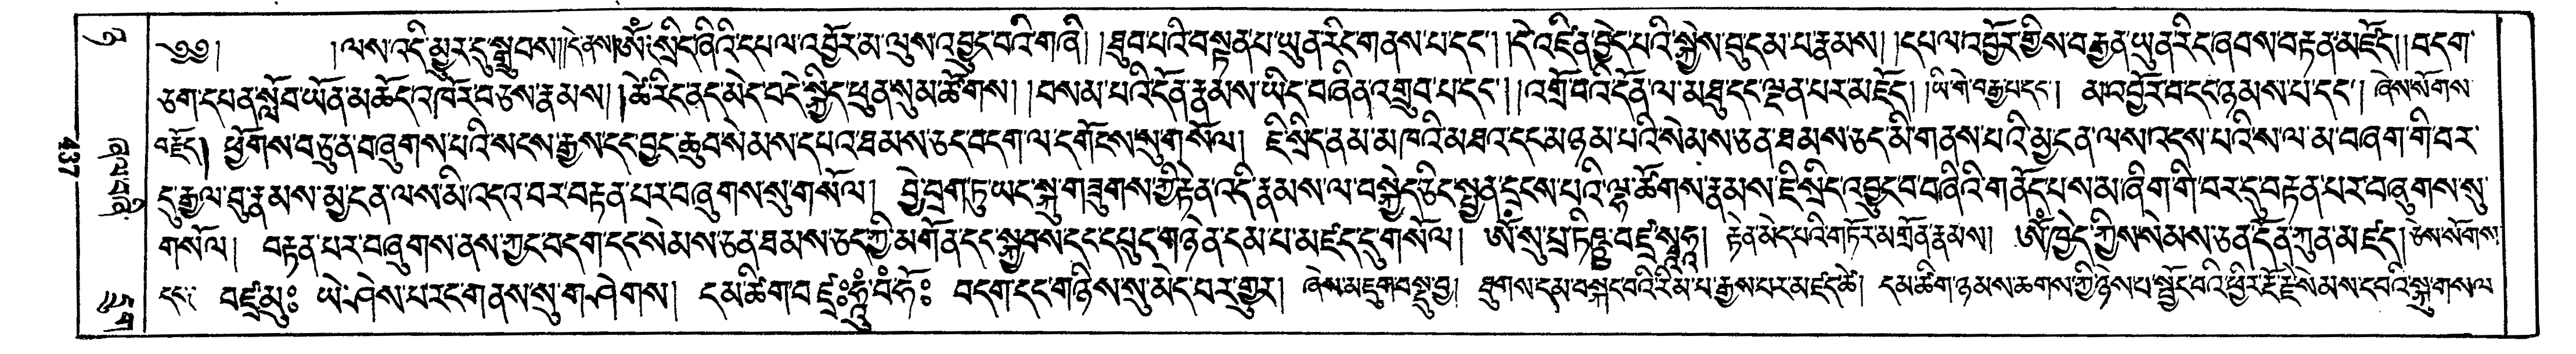༄༅། །ལས་འདི་མྱུར་དུ་སྒྲུབས། །དེ་ནས། ཨོཾ་སྲིད་ཞིའི་དཔལ་འབྱོར་མ་ལུས་འབྱུང་བའི་གཞི། །ཐུབ་པའི་བསྟན་པ་ཡུན་རིང་གནས་པ་དང་། །དེ་འཛིན་བྱེད་པའི་སྐྱེས་བུ་དམ་པ་རྣམས། །དཔལ་འབྱོར་གྱིས་བརྒྱན་ཡུན་རིང་ཞབས་བརྟན་མཛོད། །བདག་
ཅག་དཔོན་སློབ་ཡོན་མཆོད་འཁོར་བཅས་རྣམས། །ཚེ་རིང་ནད་མེད་བདེ་སྐྱིད་ཕུན་སུམ་ཚོགས། །བསམ་པའི་དོན་རྣམས་ཡིད་བཞིན་འགྲུབ་པ་དང་། །འགྲོ་བའི་དོན་ལ་མཐུ་དང་ལྡན་པར་མཛོད། །ཡི་གེ་བརྒྱ་པ་དང་། མ་འབྱོར་བ་དང་ཉམས་པ་དང་། ཞེས་སོགས་
བརྗོད། ཕྱོགས་བཅུ་ན་བཞུགས་པའི་སངས་རྒྱས་དང་བྱང་ཆུབ་སེམས་དཔའ་ཐམས་ཅད་བདག་ལ་དགོངས་སུ་གསོལ། ཇི་སྲིད་ནམ་མཁའི་མཐའ་དང་མཉམ་པའི་སེམས་ཅན་ཐམས་ཅད་མི་གནས་པའི་མྱ་ངན་ལས་འདས་པའི་ས་ལ་མ་བཞག་གི་བར་
དུ་རྒྱལ་བ་རྣམས་མྱ་ངན་ལས་མི་འདའ་བར་བརྟན་པར་བཞུགས་སུ་གསོལ། བྱེ་བྲག་ཏུ་ཡང་སྐུ་གཟུགས་ཀྱི་རྟེན་འདི་རྣམས་ལ་བསྐྱེད་ཅིང་སྤྱན་དྲངས་པའི་ལྷ་ཚོགས་རྣམས་ཇི་སྲིད་འབྱུང་བ་བཞིའི་གནོད་པས་མ་ཞིག་གི་བར་དུ་བརྟན་པར་བཞུགས་སུ་
གསོལ། བརྟན་པར་བཞུགས་ནས་ཀྱང་བདག་དང་སེམས་ཅན་ཐམས་ཅད་ཀྱི་མགོན་དང་སྐྱབས་དང་དཔུང་གཉེན་དམ་པ་མཛད་དུ་གསོལ། ཨོཾ་སུ་པྲ་ཏིཥཊཿཨ་བཛྲེ་སྭཱཧཱ། རྟེན་མེད་པའི་གཏོར་མགྲོན་རྣམས། ཨོཾ་ཁྱེད་ཀྱིས་སེམས་ཅན་དོན་ཀུན་མཛད། ཅེས་སོགས་
དང༑ བཛྲ་མུཿཡེ་ཤེས་པ་རང་གནས་སུ་གཤེགས། དམ་ཚིག་པ་ཛཿཧཱུཾ་བཾ་ཧོཿ བདག་དང་གཉིས་སུ་མེད་པར་གྱུར། ཞེས་མཇུག་བསྡུ་བྱ། ཐུགས་དམ་བསྐང་བའི་རིམ་པ་རྒྱས་པར་མཛད་ཚེ། དམ་ཚིག་ཉམས་ཆགས་ཀྱི་ཉེས་པ་སྦྱོང་བའི་ཕྱིར་རྡོ་རྗེ་སྨེ་དཔའི་སྐུ་གསལ་